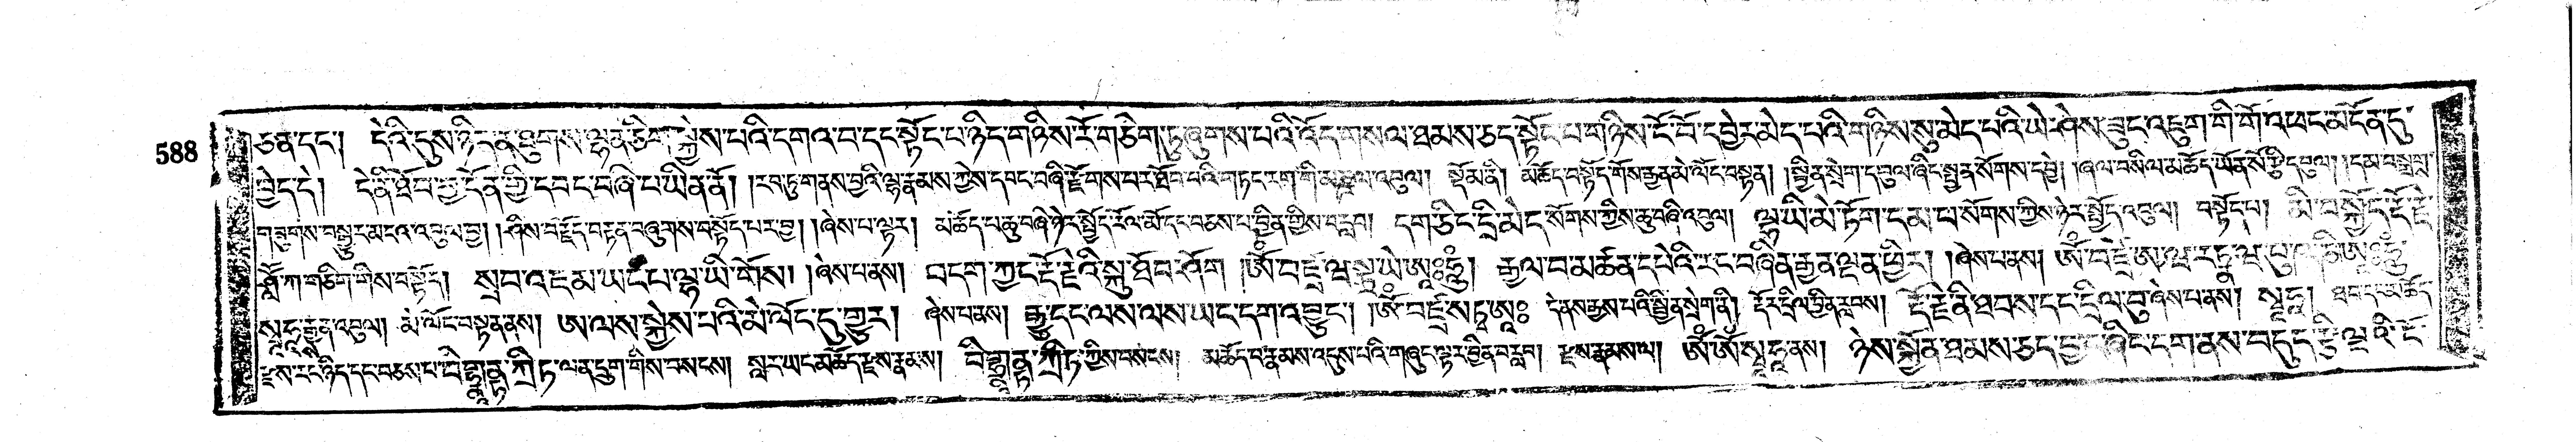ཅན་དང་། དེའི་དུས་ཉིད་ན་ཐུགས་ལྷན་ཅིག་སྐྱེས་པའི་དགའ་བ་དང་སྟོང་པ་ཉིད་གཉིས་རོ་གཅིག་ཏུ་ཞུགས་པའི་འོད་གསལ་ཐམས་ཅད་སྟོང་པ་གཉིས་ངོ་བོ་དབྱེར་མེད་པའི་གཉིས་སུ་མེད་པའི་ཡེ་ཤེས་ཟུང་འཇུག་གི་གོ་འཕང་མངོན་དུ་
བྱེད་དེ། དེ་ནི་ཐོབ་བྱ་དོན་གྱི་དབང་བཞི་པ་ཡིན་ནོ། །རབ་ཏུ་གནས་བྱའི་ལྷ་རྣམས་ཀྱིས་དབང་བཞི་རྫོགས་པར་ཐོབ་པའི་གཏང་རག་གི་མཎྜལ་འབུལ། སྡོམ་ནི། མཆོད་བསྟོད་གོས་རྒྱན་མེ་ལོང་བསྟན། །སྦྱིན་སྲེག་དབུལ་ཞིང་སྤྱན་སོགས་དབྱེ། །ཞལ་བསིལ་མཆོད་ཡོན་སོ་རྩི་དབུལ། །དམ་བསྒྲགས་
གཟུགས་བསྒྱུར་མངའ་འབུལ་བྱ། །ཤིས་བརྗོད་བརྟན་བཞུགས་བསྟོད་པར་བྱ། །ཞེས་པ་ལྟར། མཆོད་པ་ཆུ་བཞི་ཉེར་སྤྱོད་རོལ་མོ་དང་བཅས་པ་བྱིན་གྱིས་བརླབ། དག་ཅིང་དྲི་མེད་སོགས་ཀྱིས་ཆུ་བཞི་འབུལ།  ལྷ་ཡི་མེ་ཏོག་དམ་པ་སོགས་ཀྱིས་ཉེར་སྤྱོད་འབུལ། བསྟོད་པ།  མི་བསྐྱོད་རྡོ་རྗེ་
ཤླཽ་ཀ་གཅིག་གིས་བསྟོད། སྲབ་འཇམ་ཡང་པ་ལྷ་ཡི་གོས། །ཞེས་པ་ནས།  བདག་ཀྱང་རྡོ་རྗེའི་སྐུ་ཐོབ་ཤོག །ཨོཾ་བཛྲ་ཝ་སྟྲ་ཡེ་ཨཱཿཧཱུཾ། རྒྱལ་བ་མཚན་དཔེའི་རང་བཞིན་རྒྱན་ལྡན་ཕྱིར། །ཞེས་པ་ནས།  ཨོཾ་བཛྲ་ཨ་ཝ་རཏྣ་ཝ་པུ་ཥ་ཎི་ཨཱཿཧཱུཾ་
སྭཱ་ཧཱ་རྒྱན་འབུལ། མེ་ལོང་བསྟན་ནས། ཨ་ལས་སྐྱེས་པའི་མེ་ལོང་དུ་གྱུར། ཞེས་པ་ནས།  རྒྱུ་དང་ལས་ལས་ཡང་དག་འབྱུང་། །ཨོཾ་བཛྲ་སཏྭ་ཨཱཿ དེ་ནས་རྒྱས་པའི་སྦྱིན་སྲེག་ནི། རྡོར་དྲིལ་བྱིན་རླབས།  རྡོ་རྗེ་ནི་ཐབས་དང་དྲིལ་བུ་ཞེས་པ་ནས།  སྭཱ་ཧཱ། ཐབ་དང་མཆོད་
རྫས་རང་ཉིད་དང་བཅས་པ་བིགྷྣཱནྟ་ཀྲིཏ་ལན་དྲུག་གིས་བསངས། སླར་ཡང་མཆོད་རྫས་རྣམས།  བིགྷྣཱནྟ་ཀྲིཏ་ཀྱིས་བསངས། མཆོད་པ་རྣམས་འདུས་པའི་གཞུང་ལྟར་བྱིན་བརླབ། རྫས་རྣམས་ལ།  ཨོཾ་ཨོཾ་སྭཱཧཱ་ནས།  ཉེས་སྐྱོན་ཐམས་ཅད་བྱང་ཞིང་དག་ནས་བདུད་རྩི་ལྔའི་ངོ་